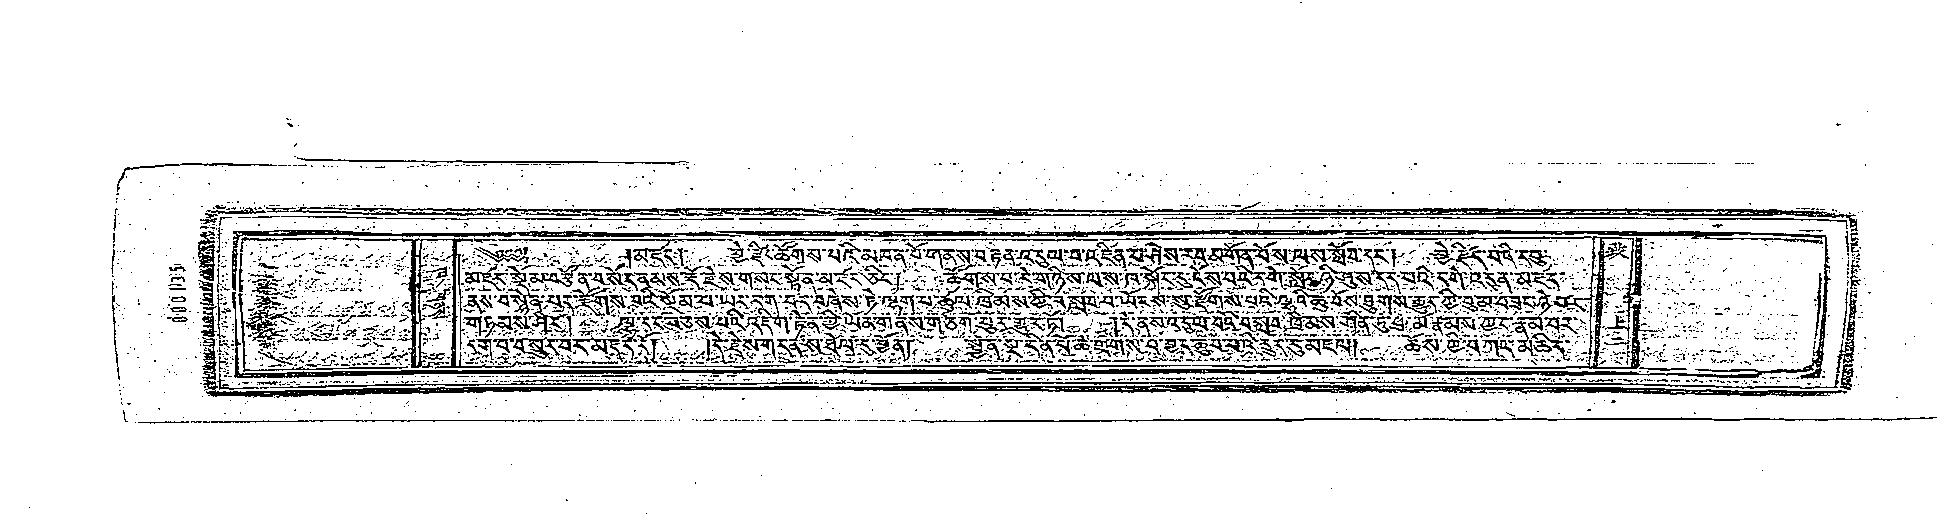༄༅༅། །མཛད། བྱེ་རྫིང་ཚོགས་པའི་མཁན་པོ་གནས་བརྟན་འདུལ་བ་འཛིན་པ་ཤེས་རབ་མགོན་པོས་ལས་སློབ་དང་། བྱེ་རྫིད་བའི་དབུ་
མཛད་སྡོམ་བརྩོན་བསོད་ནམས་རྡོ་རྗེས་གསང་སྟོན་མཛད་ཅིང་། ཚོགས་པ་དེ་གཉིས་ལས་ཁ་སྐོང་དུ་འོས་པའི་དགེ་སློང་ཉི་ཤུས་དད་པའི་དགེ་འདུན་མཛད་
ནས་བསྙེན་པར་རྫོགས་བའི་སྡོམ་པ་ཡང་དག་པར་བཞེས་ཏེ་ལྷག་པ་ཚུལ་ཁྲིམས་ཀྱི་བསླབ་བ་ཡོངས་སུ་རྫོགས་པའི་ལྷའི་ཆུ་བོས་ཐུགས་རྒྱུད་ཀྱི་བུམ་བཟང་ཉེ་བར་
གཏམས་ཤིང་། ལྷ་དང་བཅས་པའི་འཇིག་རྟེན་གྱི་ཡོན་གནས་གཅིག་པུར་གྱུར་རོ། །དེ་ནས་འདུལ་བའི་བསླབ་ཁྲིམས་ཤིན་ཏུ་ཕྲ་མོ་རྣམས་ཀྱང་རྣམ་པར་
དག་བ་བསྲུང་བར་མཛད་དོ། །དེ་རྗེས་གདན་ས་ཐེལ་དུ་བྱོན། སྤྱན་སྔར་རིན་པོ་ཆེ་གྲགས་པ་བྱང་ཆུབ་པའི་དྲུང་དུ་མཇལ། ཆོས་ཀྱི་བཀའ་མཆིད་